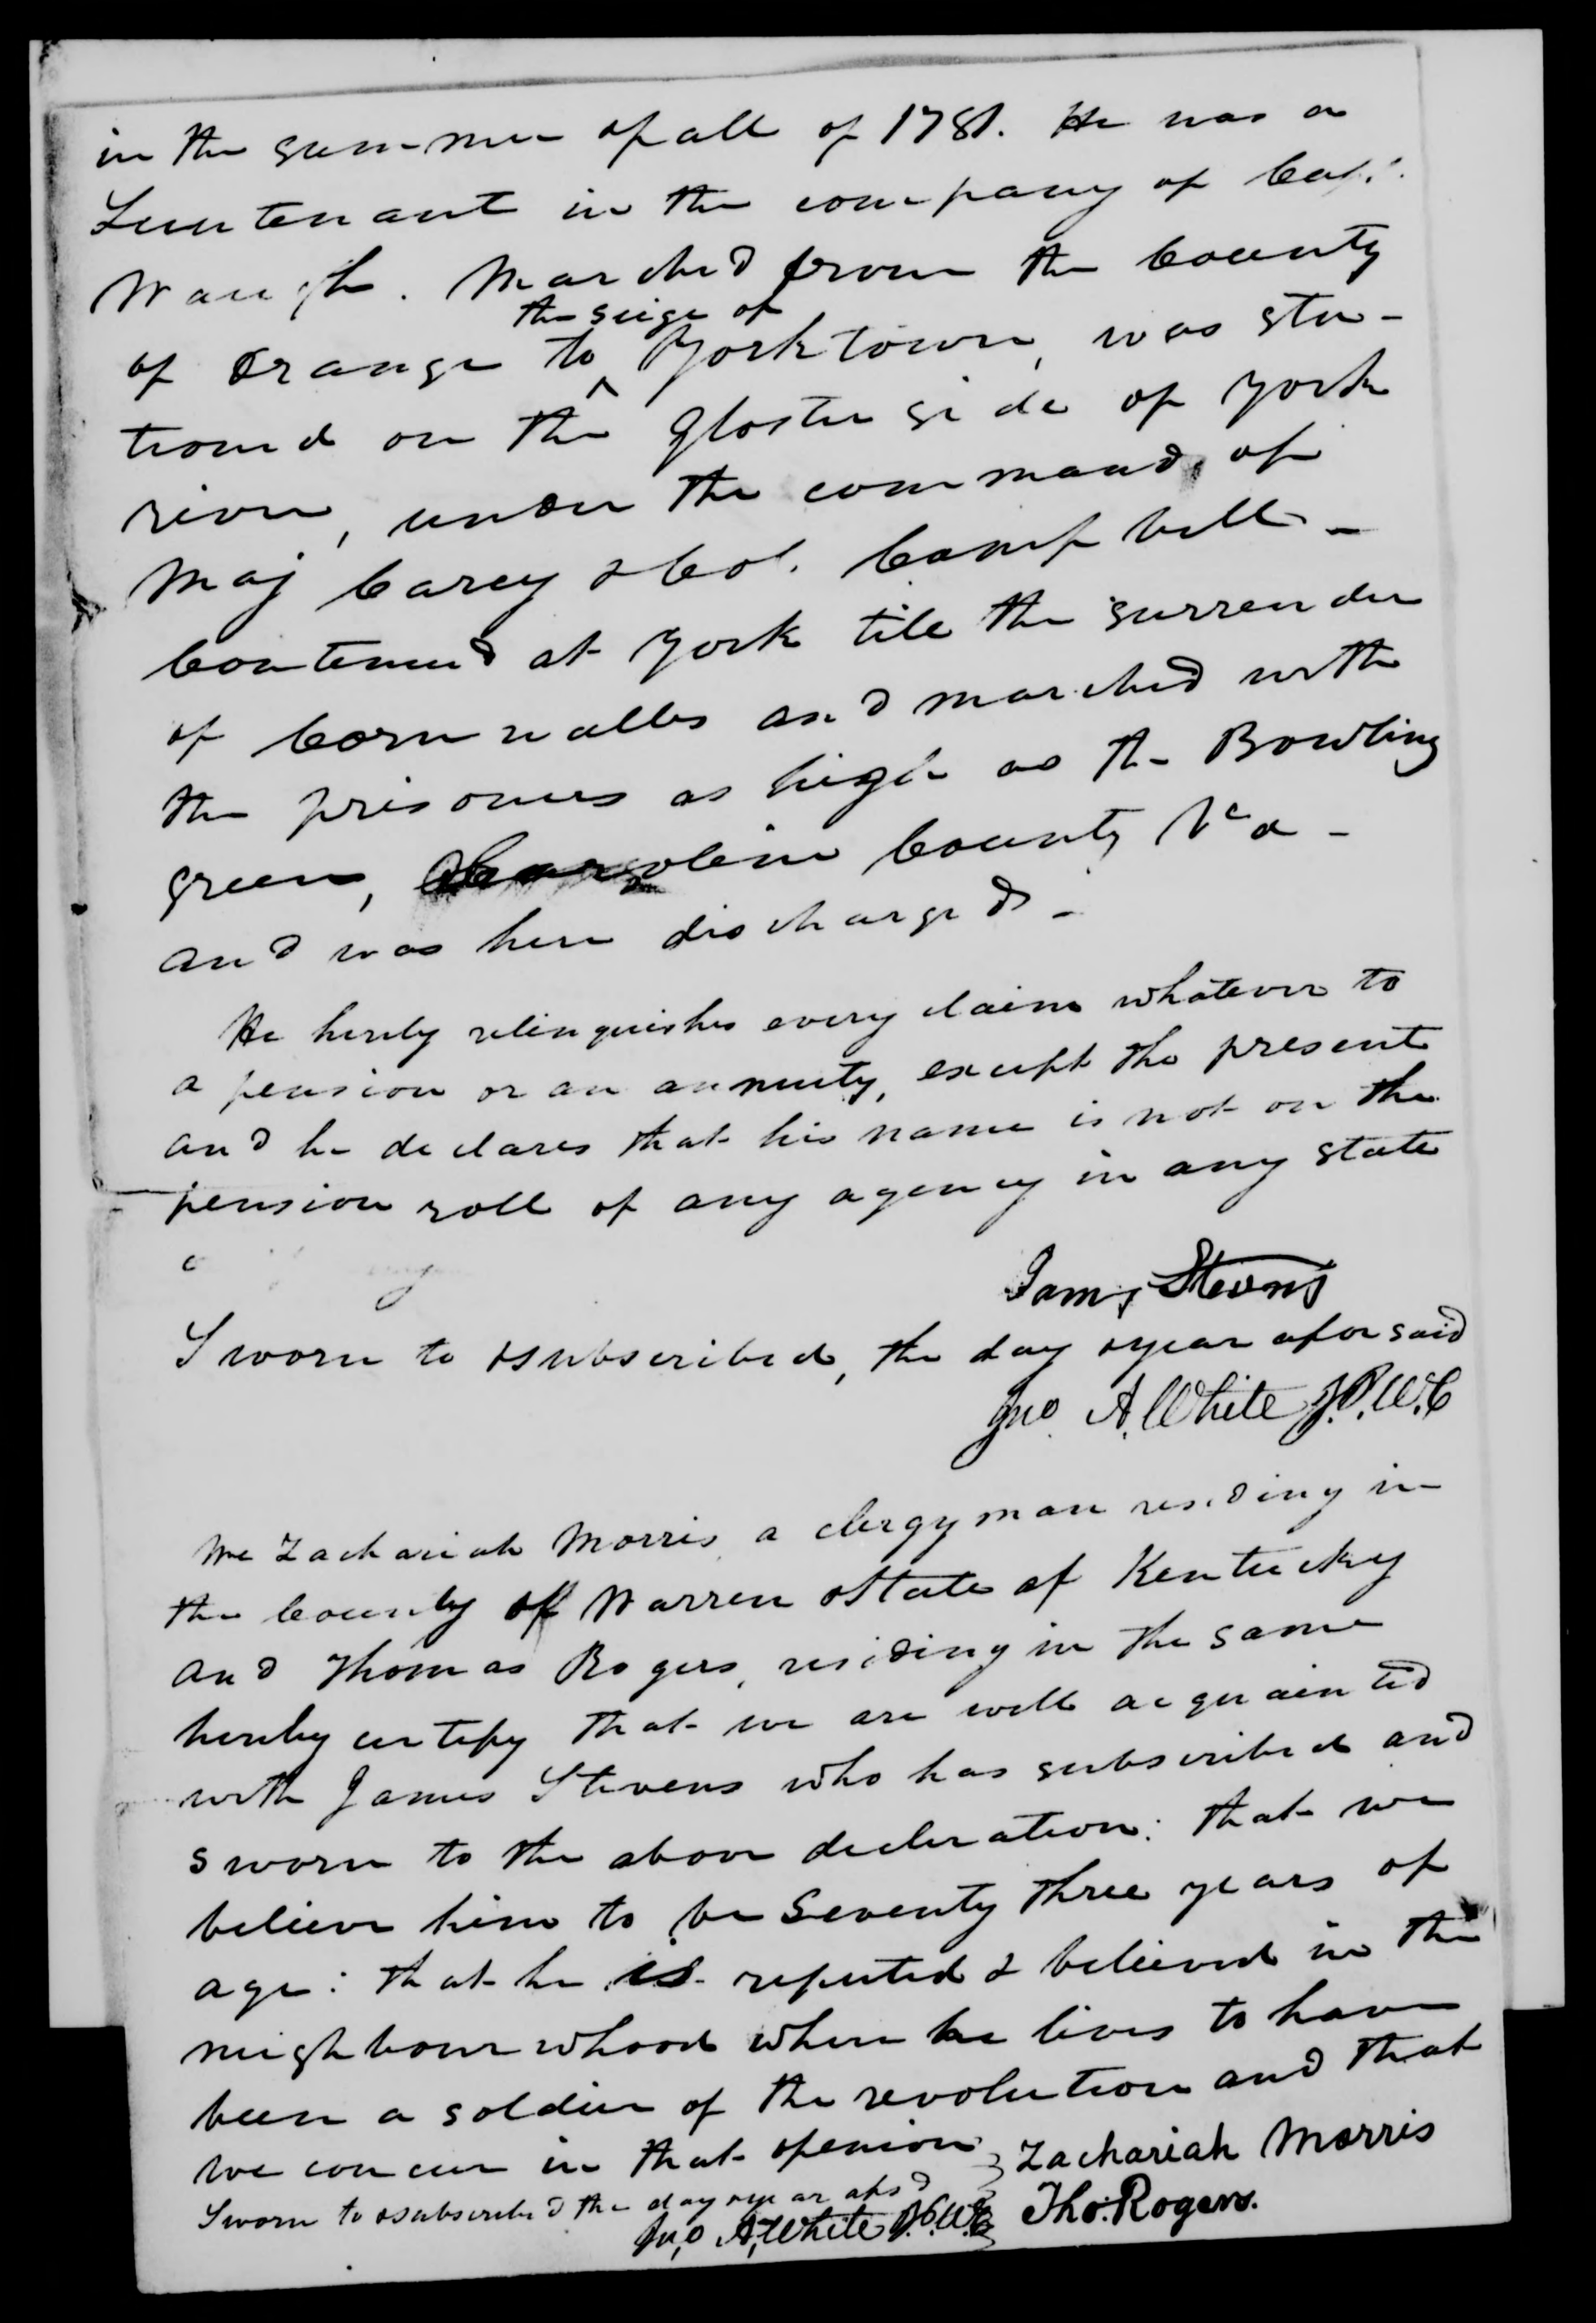in the summer of all of 1781. He was a Lieutenant in the company of Capt Wau-h. Marched from the County of Orange to the siege of Yorktown, was statrourd on the Gloster side of York river, under the command of Maj Carey & Col Campbell Continued at York till the surrender of Cornwallis and marched with the prisoners as high as the Bowling Green, [illegible]vlein County, Va - and was here discharged - 

He hereby relinquishes every claim whatever to a pension or an annuity, except the present and he declares that his name is not on the pension roll of any agency in any state [illegible]
Jams Stevns
Sworn to & subscribed, the day & year aforsaid
Jno A. White JPWC

We Zachariah Morris, a clergyman residing in the County of Warren State of Kentucky and Thomas Rogers, residing in the same hereby certify that we are well acquainted with James Stevens who has subscribed and sworn to the above decleration: that we believe him to be seventy three years of age: that he is reputed & believed in the neighbourhood were he lives to have been a soldier of the revolution and that we concur in that opinion
Sworn to & subscribed the day & year afsd
Jno A, White JPWC
Zachariah Morris
Tho Rogers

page: 15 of 99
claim: widow's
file: W 8766, for James Stevens, Virginia